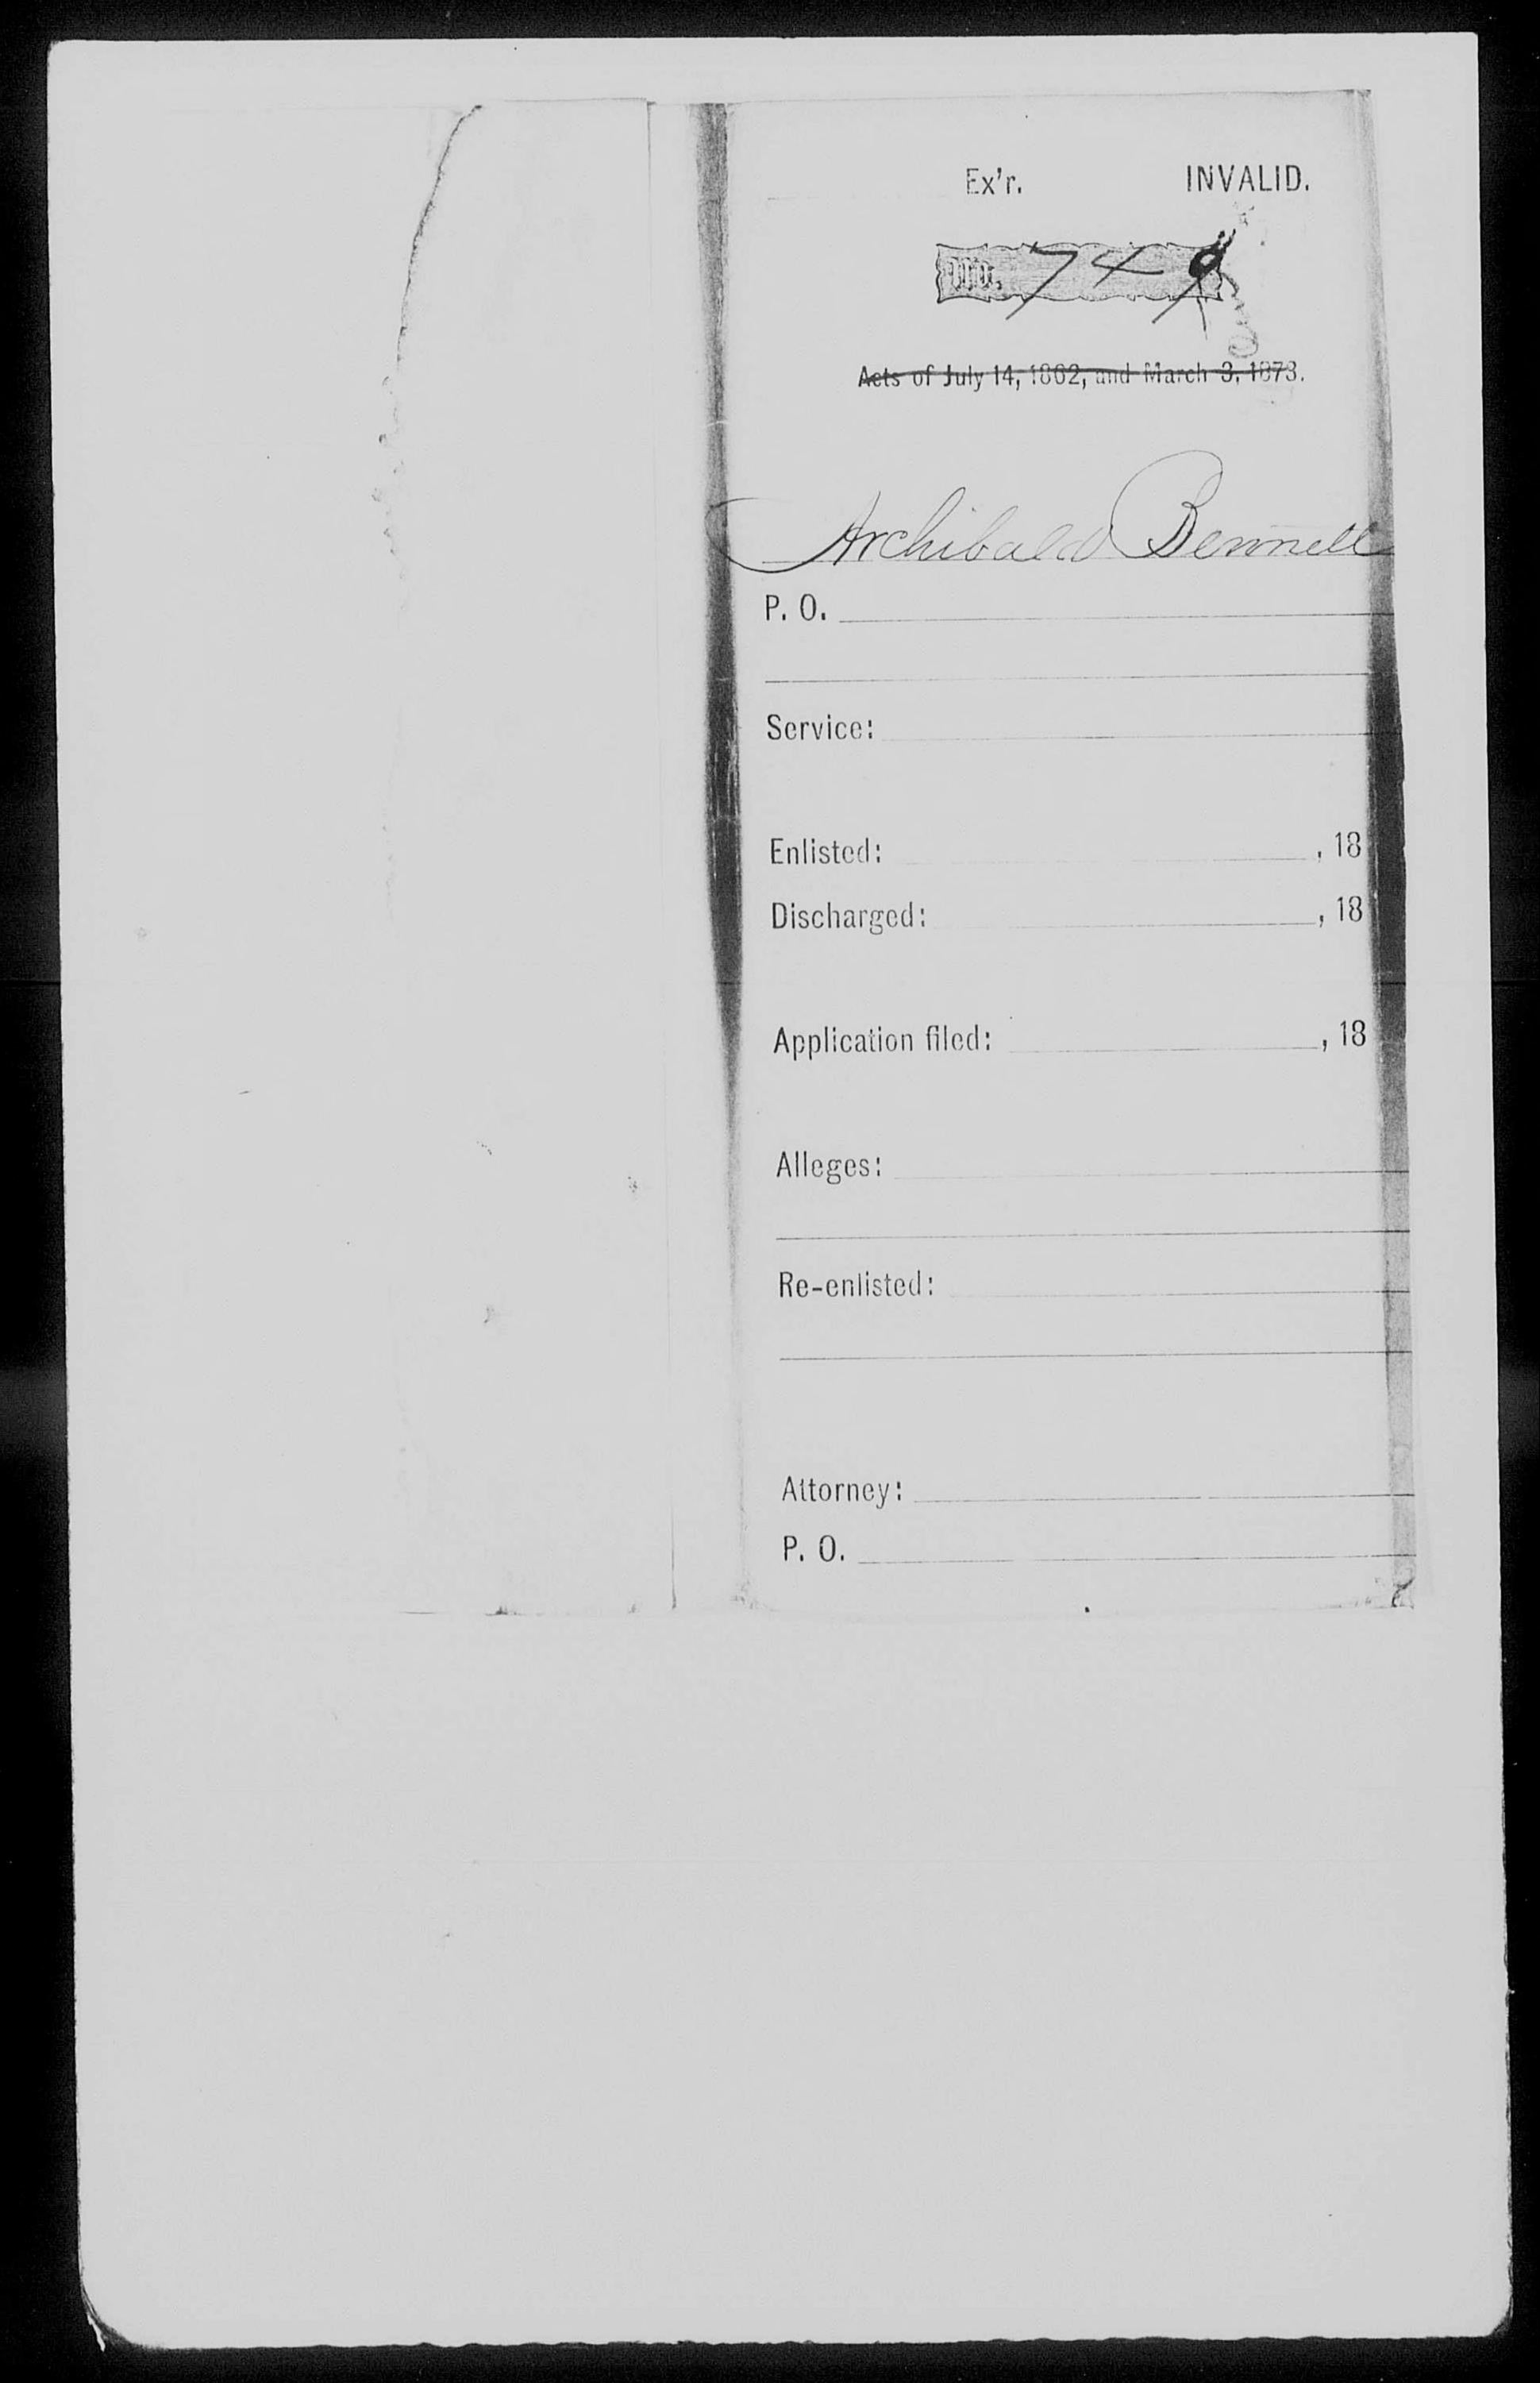Ex'r INVALID
749

Archibald Bennet

P.O. _______
Service: ______
Enlisted: _______
Discharged: _______

Application filed: _____

Alleges: ________
Re-enlisted: ______

Attorney: ______
P.O. ________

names: Archibald Bennett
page: 6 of 9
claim: rejected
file: R 749, Archibald Bennet, Penn.